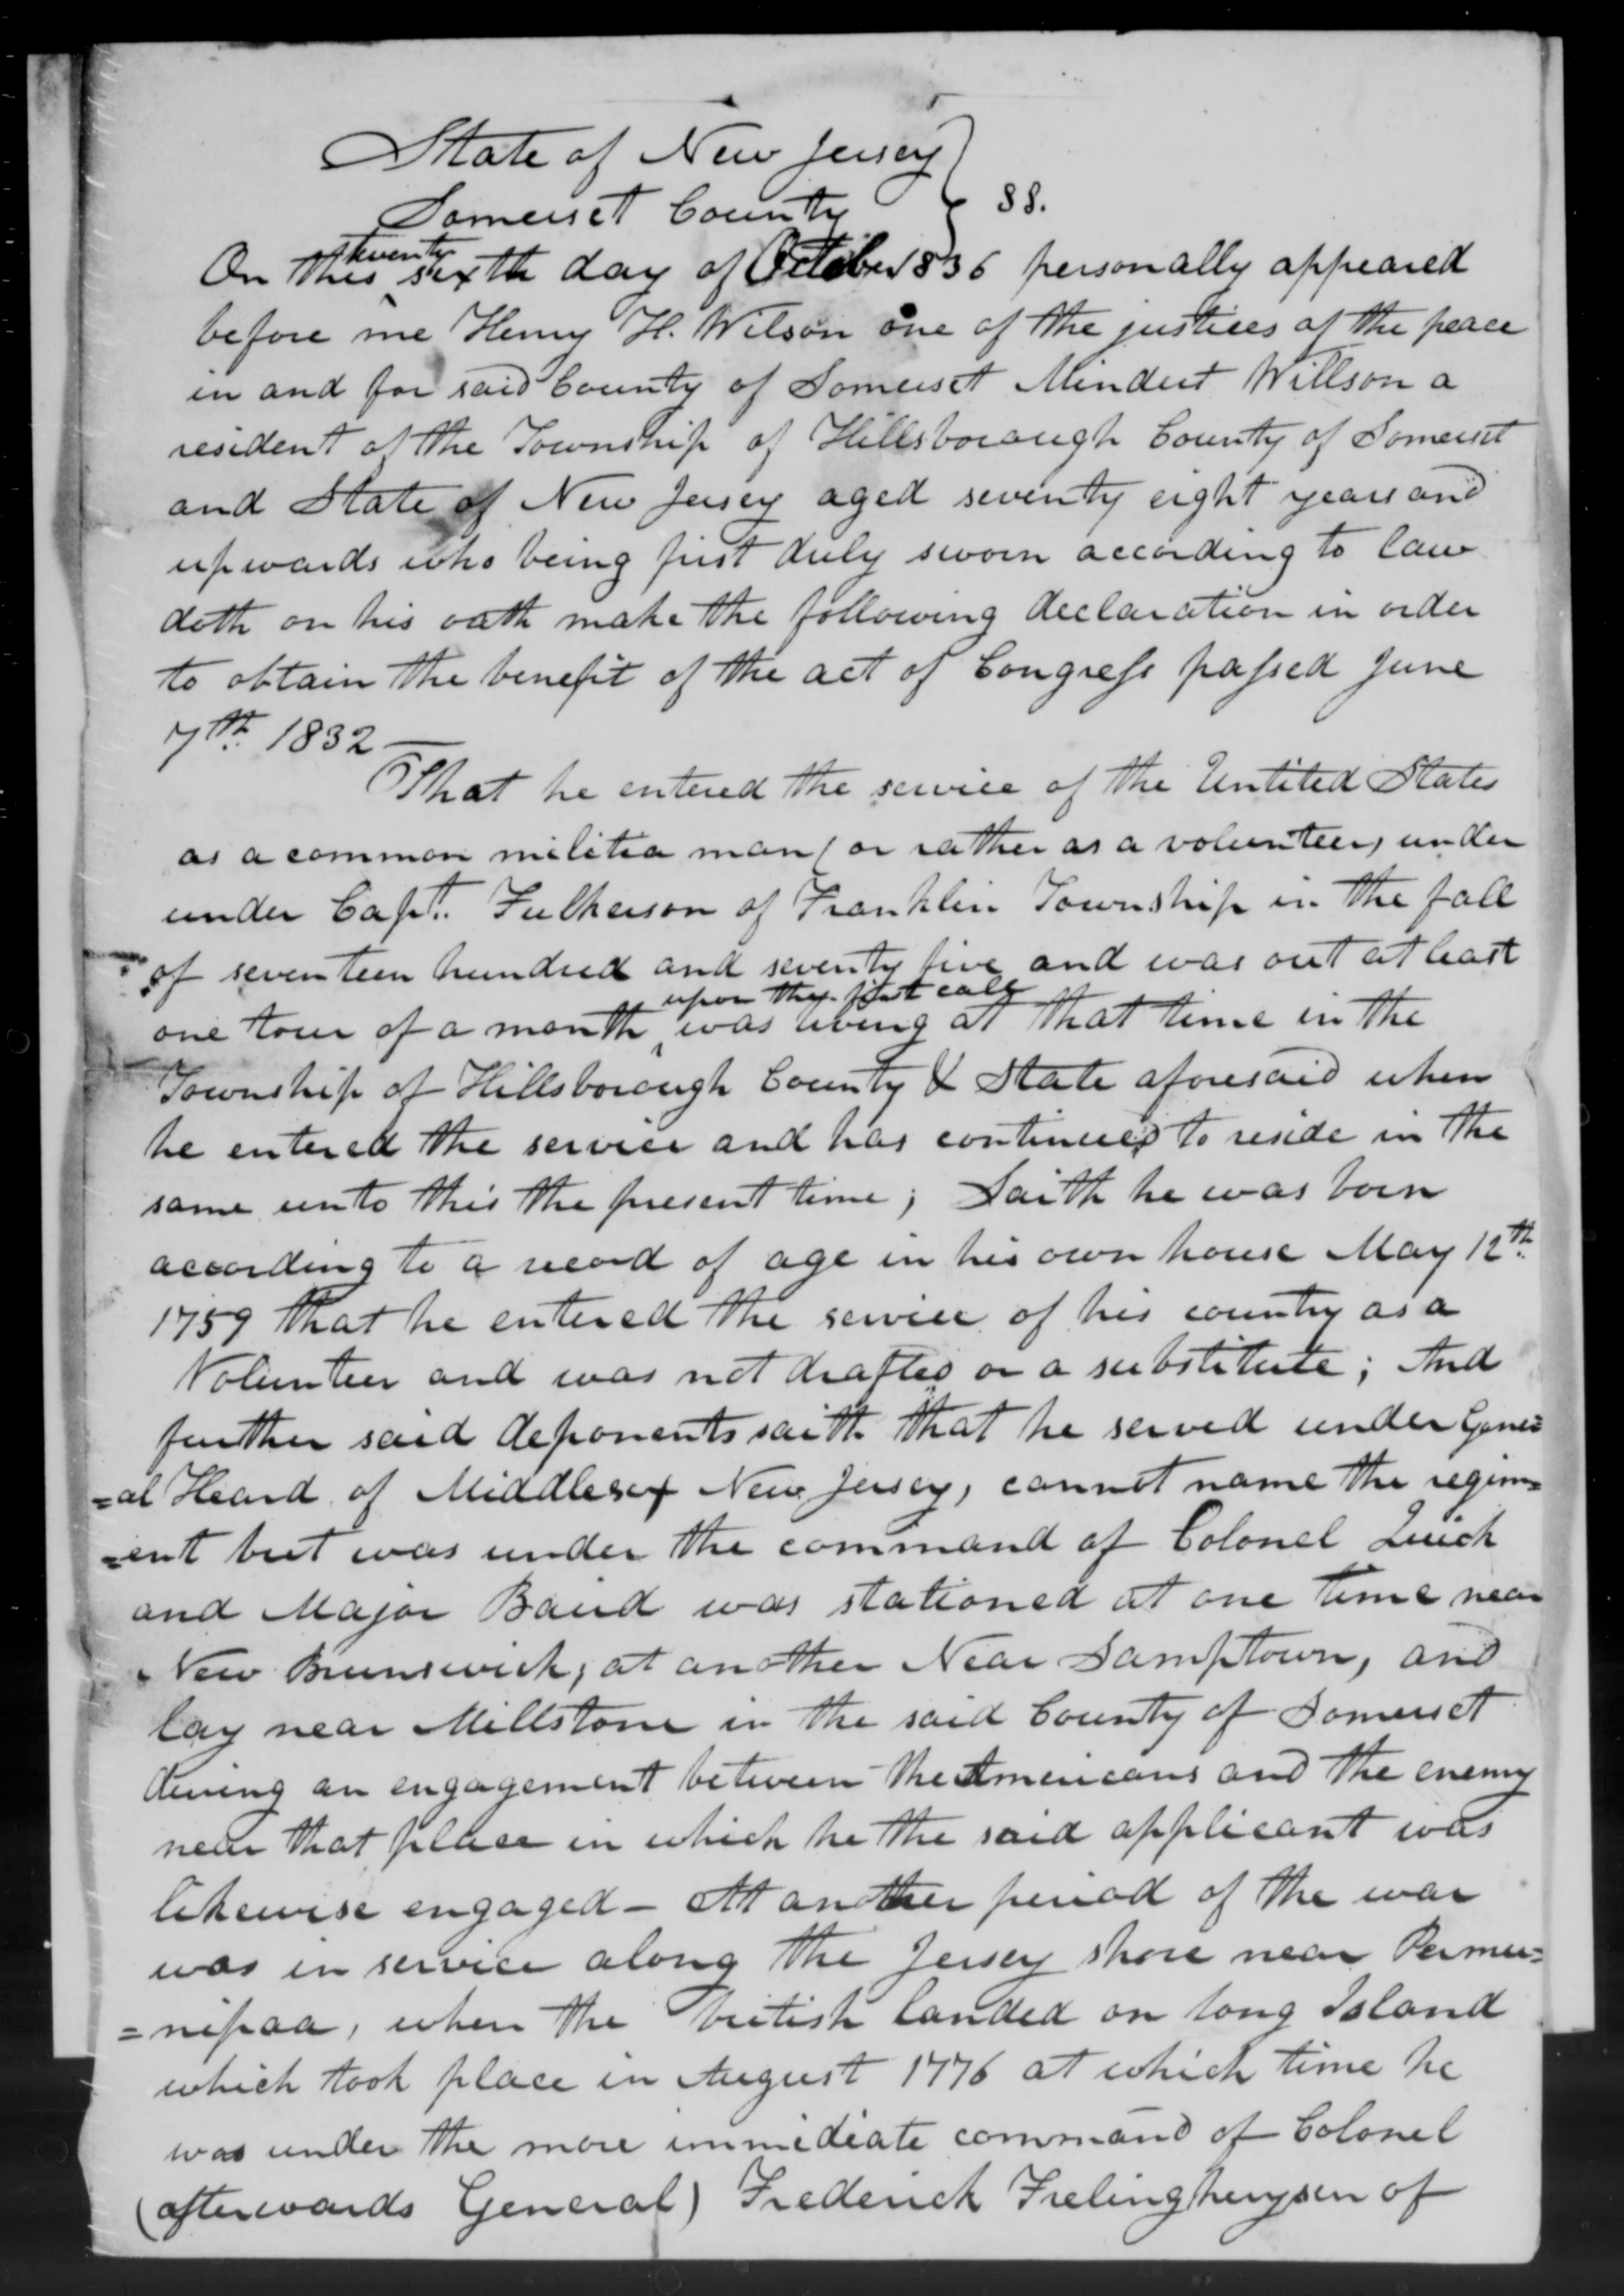State of New Jersey
Somerset County } ss.

On this ^twenty sixth day of October 1836 personally appeared before me Henry H. Wilson one of the justices of the peace in and for said County of Somerset Mindert Willson a resident of the Township of Hillsborough County of Somerset and State of New Jersey aged seventy eight years and upwards who being first duly sworn according to law doth on his oath make the following declaration in order to obtain the benefit of the act of Congress passed June
7th 1832 --

That he entered the service of the United States as a common militia man, or rather as a volunteer, under under Capt Fulkerson of Franklin Township in the fall of seventeen hundred and seventy five and was out at least one tour of a month [4 words interlined:] upon the first call was living at that time in the Township of Hillsborough County & State aforesaid when he entered the service and has continued to reside in the same unto this the present time; Saith he was born according to a record of age in his own house May 12th 1759 that he entered the service of his country as a Volunteer and was not drafted or a substitute; And further said deponents saith that he served under General Heard of Middlesex New Jersey, cannot name the regiment but was under the command of Colonel Quick and Major Baird was stationed at one time near New Brunswick, at another Near Samptown, and lay near Millstone in the said County of Somerset during an engagement between the Americans and the enemy near that place in which he the said applicant was likewise engaged. At another period of the war was in service along the Jersey shore near Permunipaa [Communipaw, cf. [6]], when the British landed on long Island which took place in August 1776 at which time he was under the more immediate command of Colonel (afterwards General) Frederick Frelinghuysen of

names: Quick, Henry H Wilson, Frederick Frelinghuysen, Mindert Willson, Baird, Fulkerson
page: 28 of 40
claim: survivor's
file: S. 3564, Mindart Wilson, New Jersey